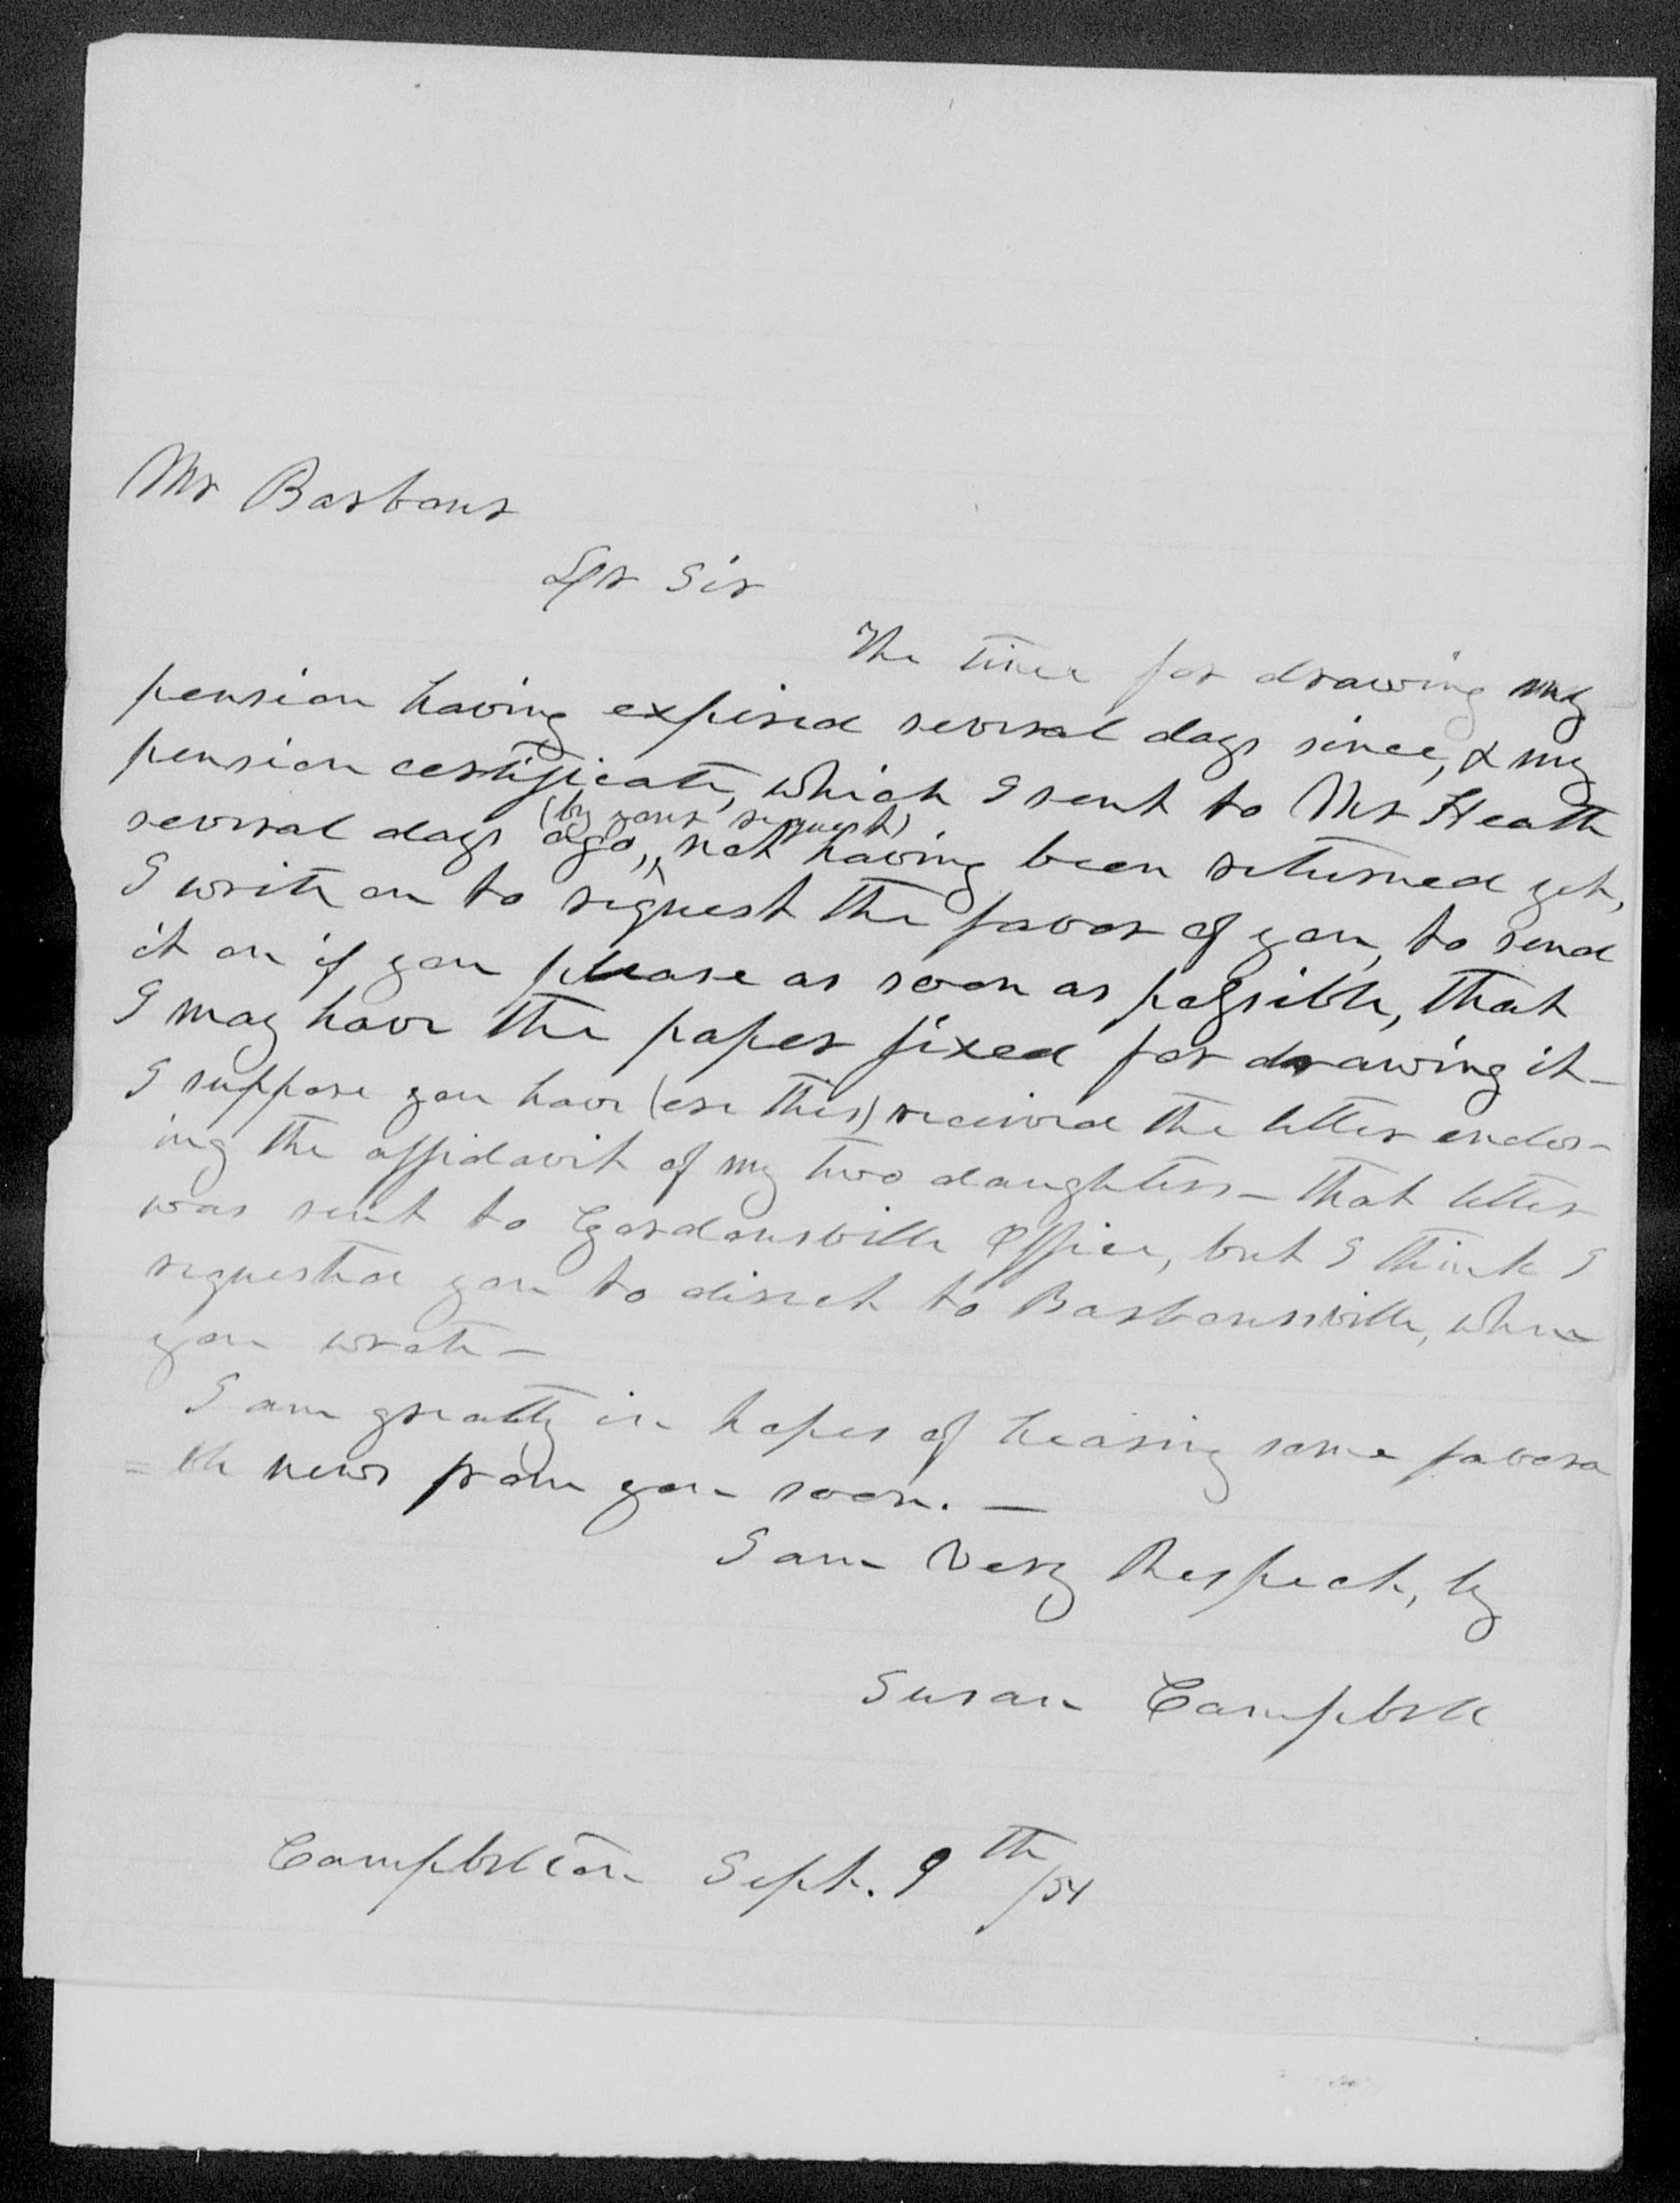Mr. Barbour

Dr Sir
The time for drawing my pension having expired several days since, & my pension certificate, which I sent to Mr. Heath several days ago (by your request), not having been returned yet, I write on to request the favor of you, to send it on if you please as soon as possible, that I may have the papers fixed for drawing it.  I support you have ([illegible] this) received the letter enclosing the affidavit of my two daughters - that letter was sent to Gordonsville Office, but I think I request you to direct to Barboursville, when you wrote.
I am greatly in hopes of hearing some favorable news from you soon.
I am very Respectfully
Susan Campbell


Campbell  Sept 9th/54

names: Susan Campbell, Heath, Barbour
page: 200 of 267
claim: widow's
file: W. 4,149, William Campbell, Va.